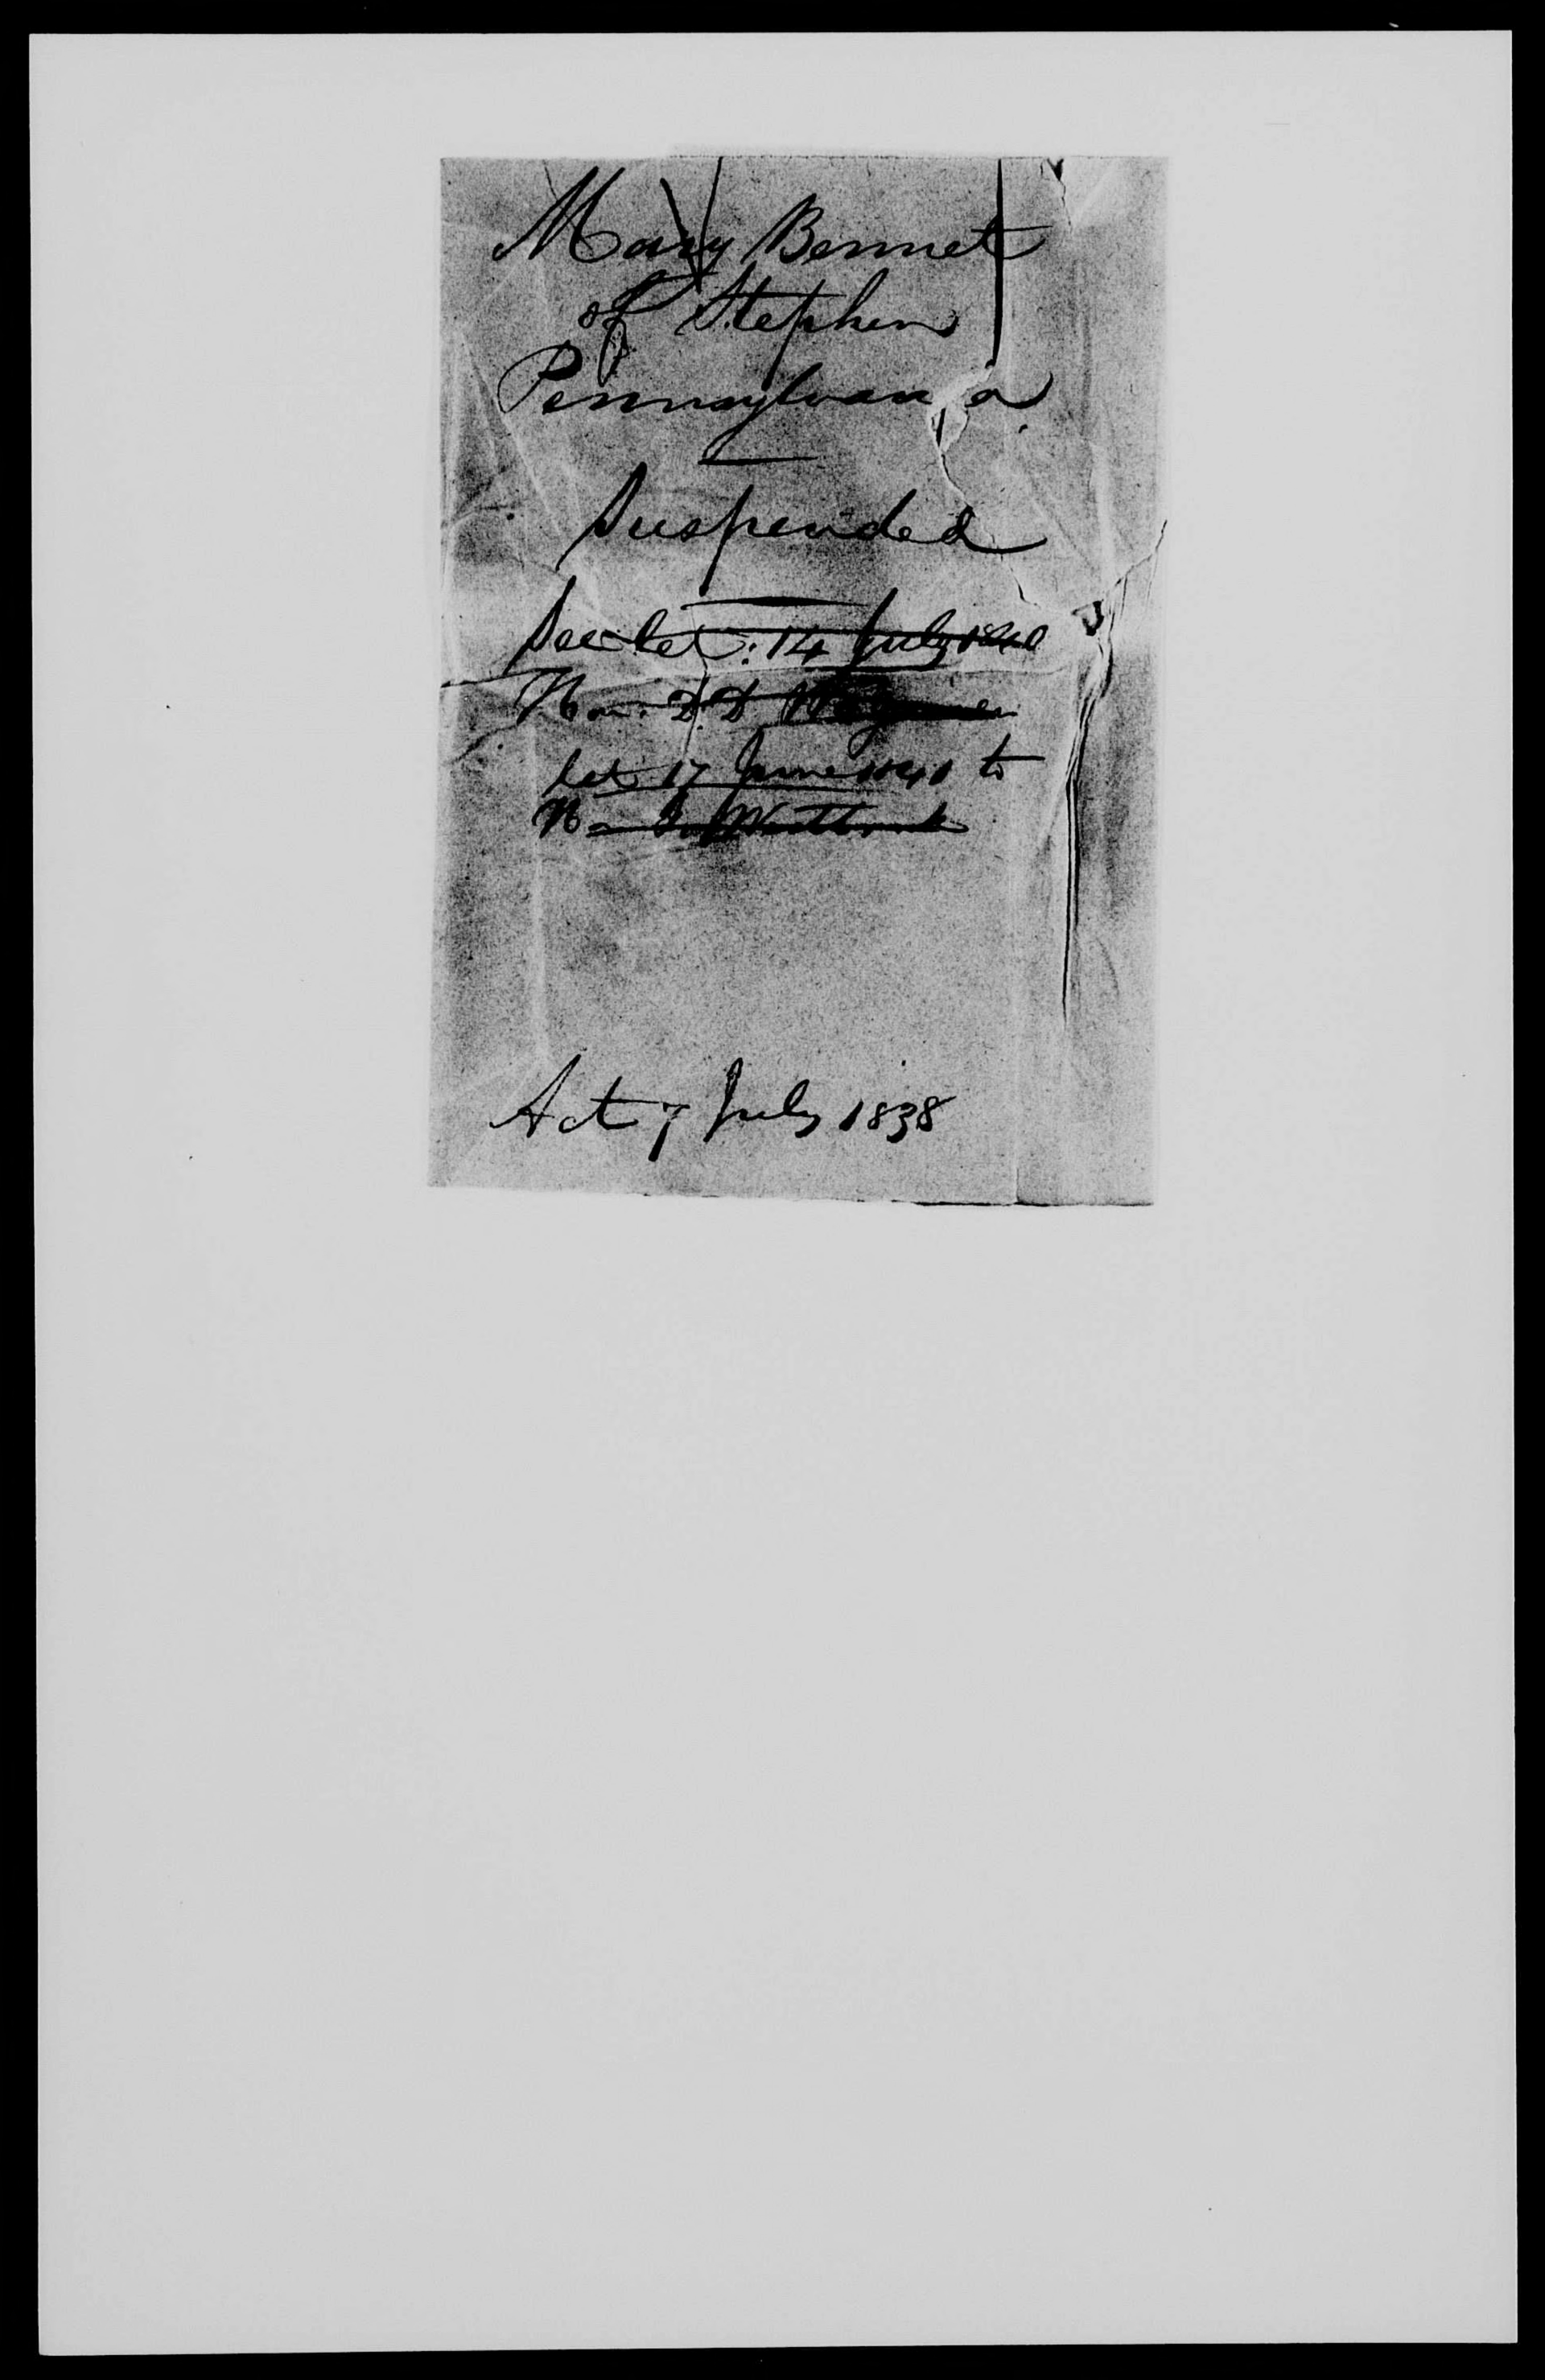Mary Bennet
of Stephen
Pennsylvania
Suspended

Act 7 July 1838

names: Mary Bennet, Stephen Bennet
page: 16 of 79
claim: widow's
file: W. 2,906, Stephen Bennet, Conn.